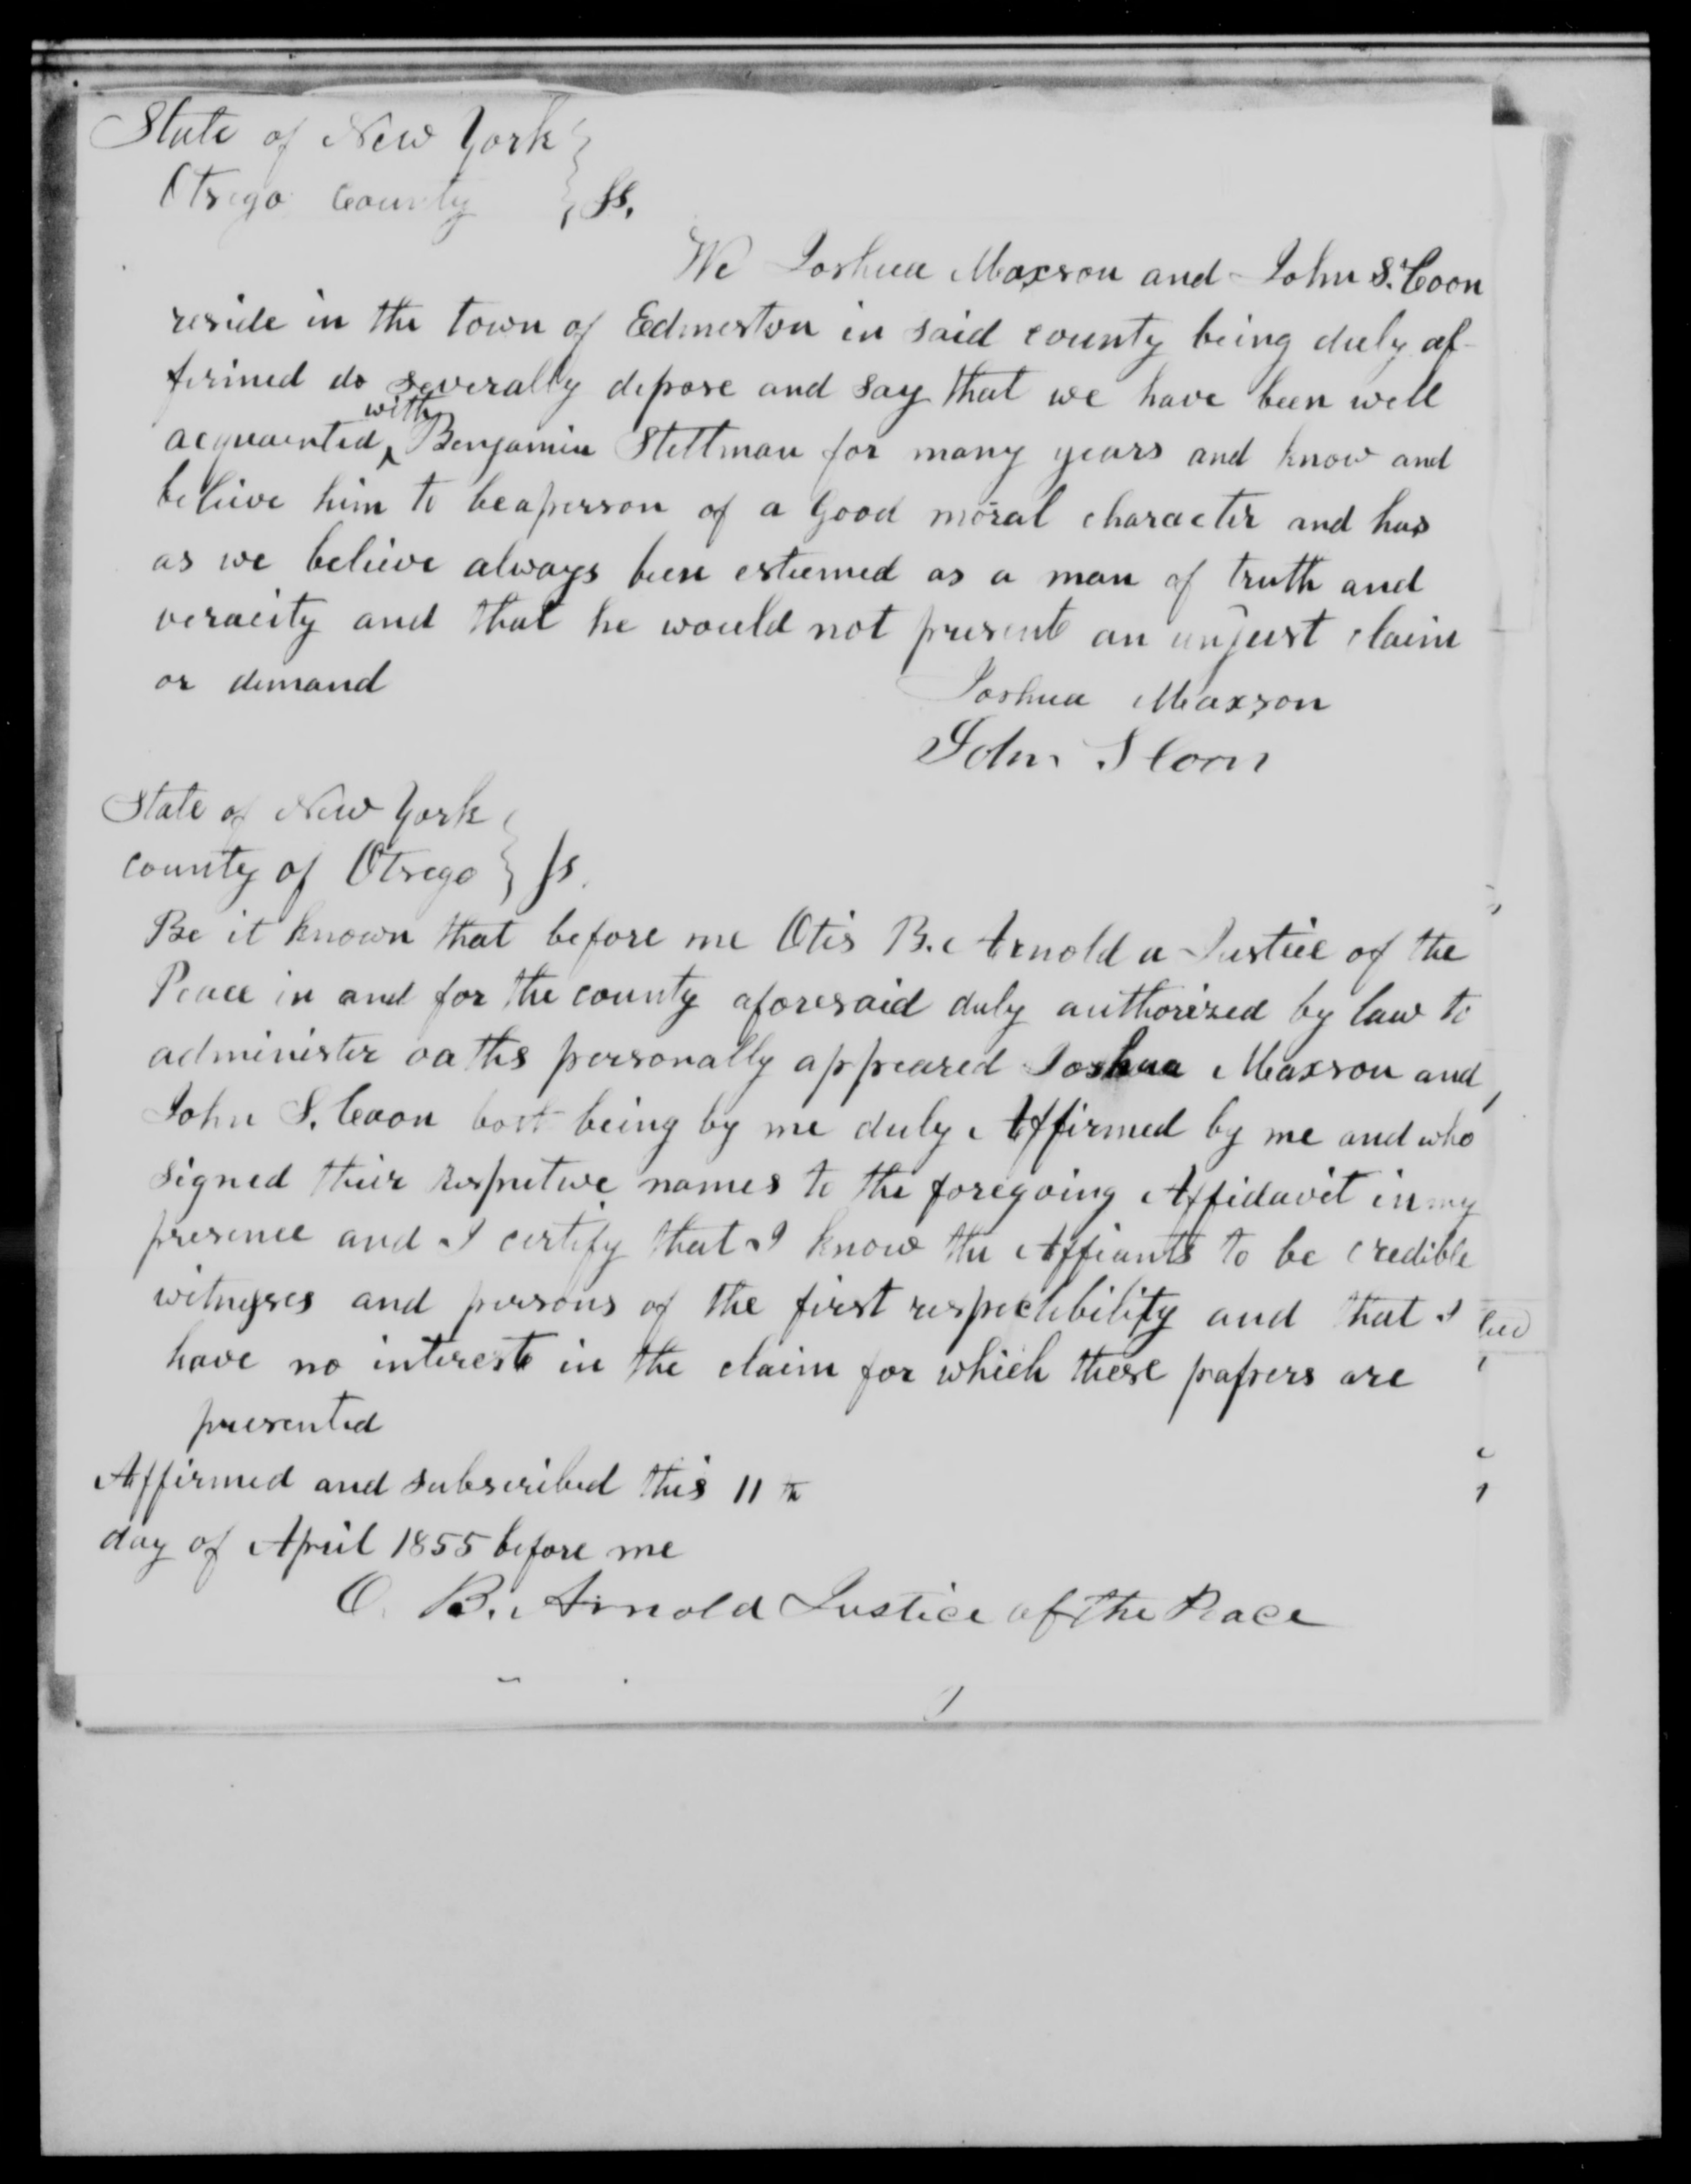State of New York Otsego County} SS We Joshua Maxson and John S. Coon reside in the town of Edmeston in said County being duly affirmed do severally depose and say that we have been well acquainted ^with Benjamin Stillman for many years and know and believe him to be a person of a good moral character and has as we believe always been esteemed as a man of truth and veracity and that he would not present an unjust claim or demand
Joshua Maxson 
John S Coon 
State of New York County of Otsego} ss Be it known that before me Otis B. Arnold a Justice of the Peace in and for the County aforesaid duly authorized by law to administer oaths personally appeared Joshua Maxson and John S. Coon both being by me duly Affirmed by me and who Signed their respective names to the foregoing Affidavit in my presence and I certify that I know the affiants to be credible witnesses and persons of the first respectability and that I had have no interest in the claim for which these papers are presented 
Affirmed and subscribed this 11th day of April 1855 before me
O. B. Arnold Justice of the Peace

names: O B Arnold; John S Coon; Otis B Arnold; Joshua Maxson; John S Coon; Joshua Maxson; Benjamin Stillman; John Sloon; Joshua Maxson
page: 6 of 29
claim: bounty land warrant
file: B.L.Wt.47987-160-55, for Benjamin Stillman, Rhode Island